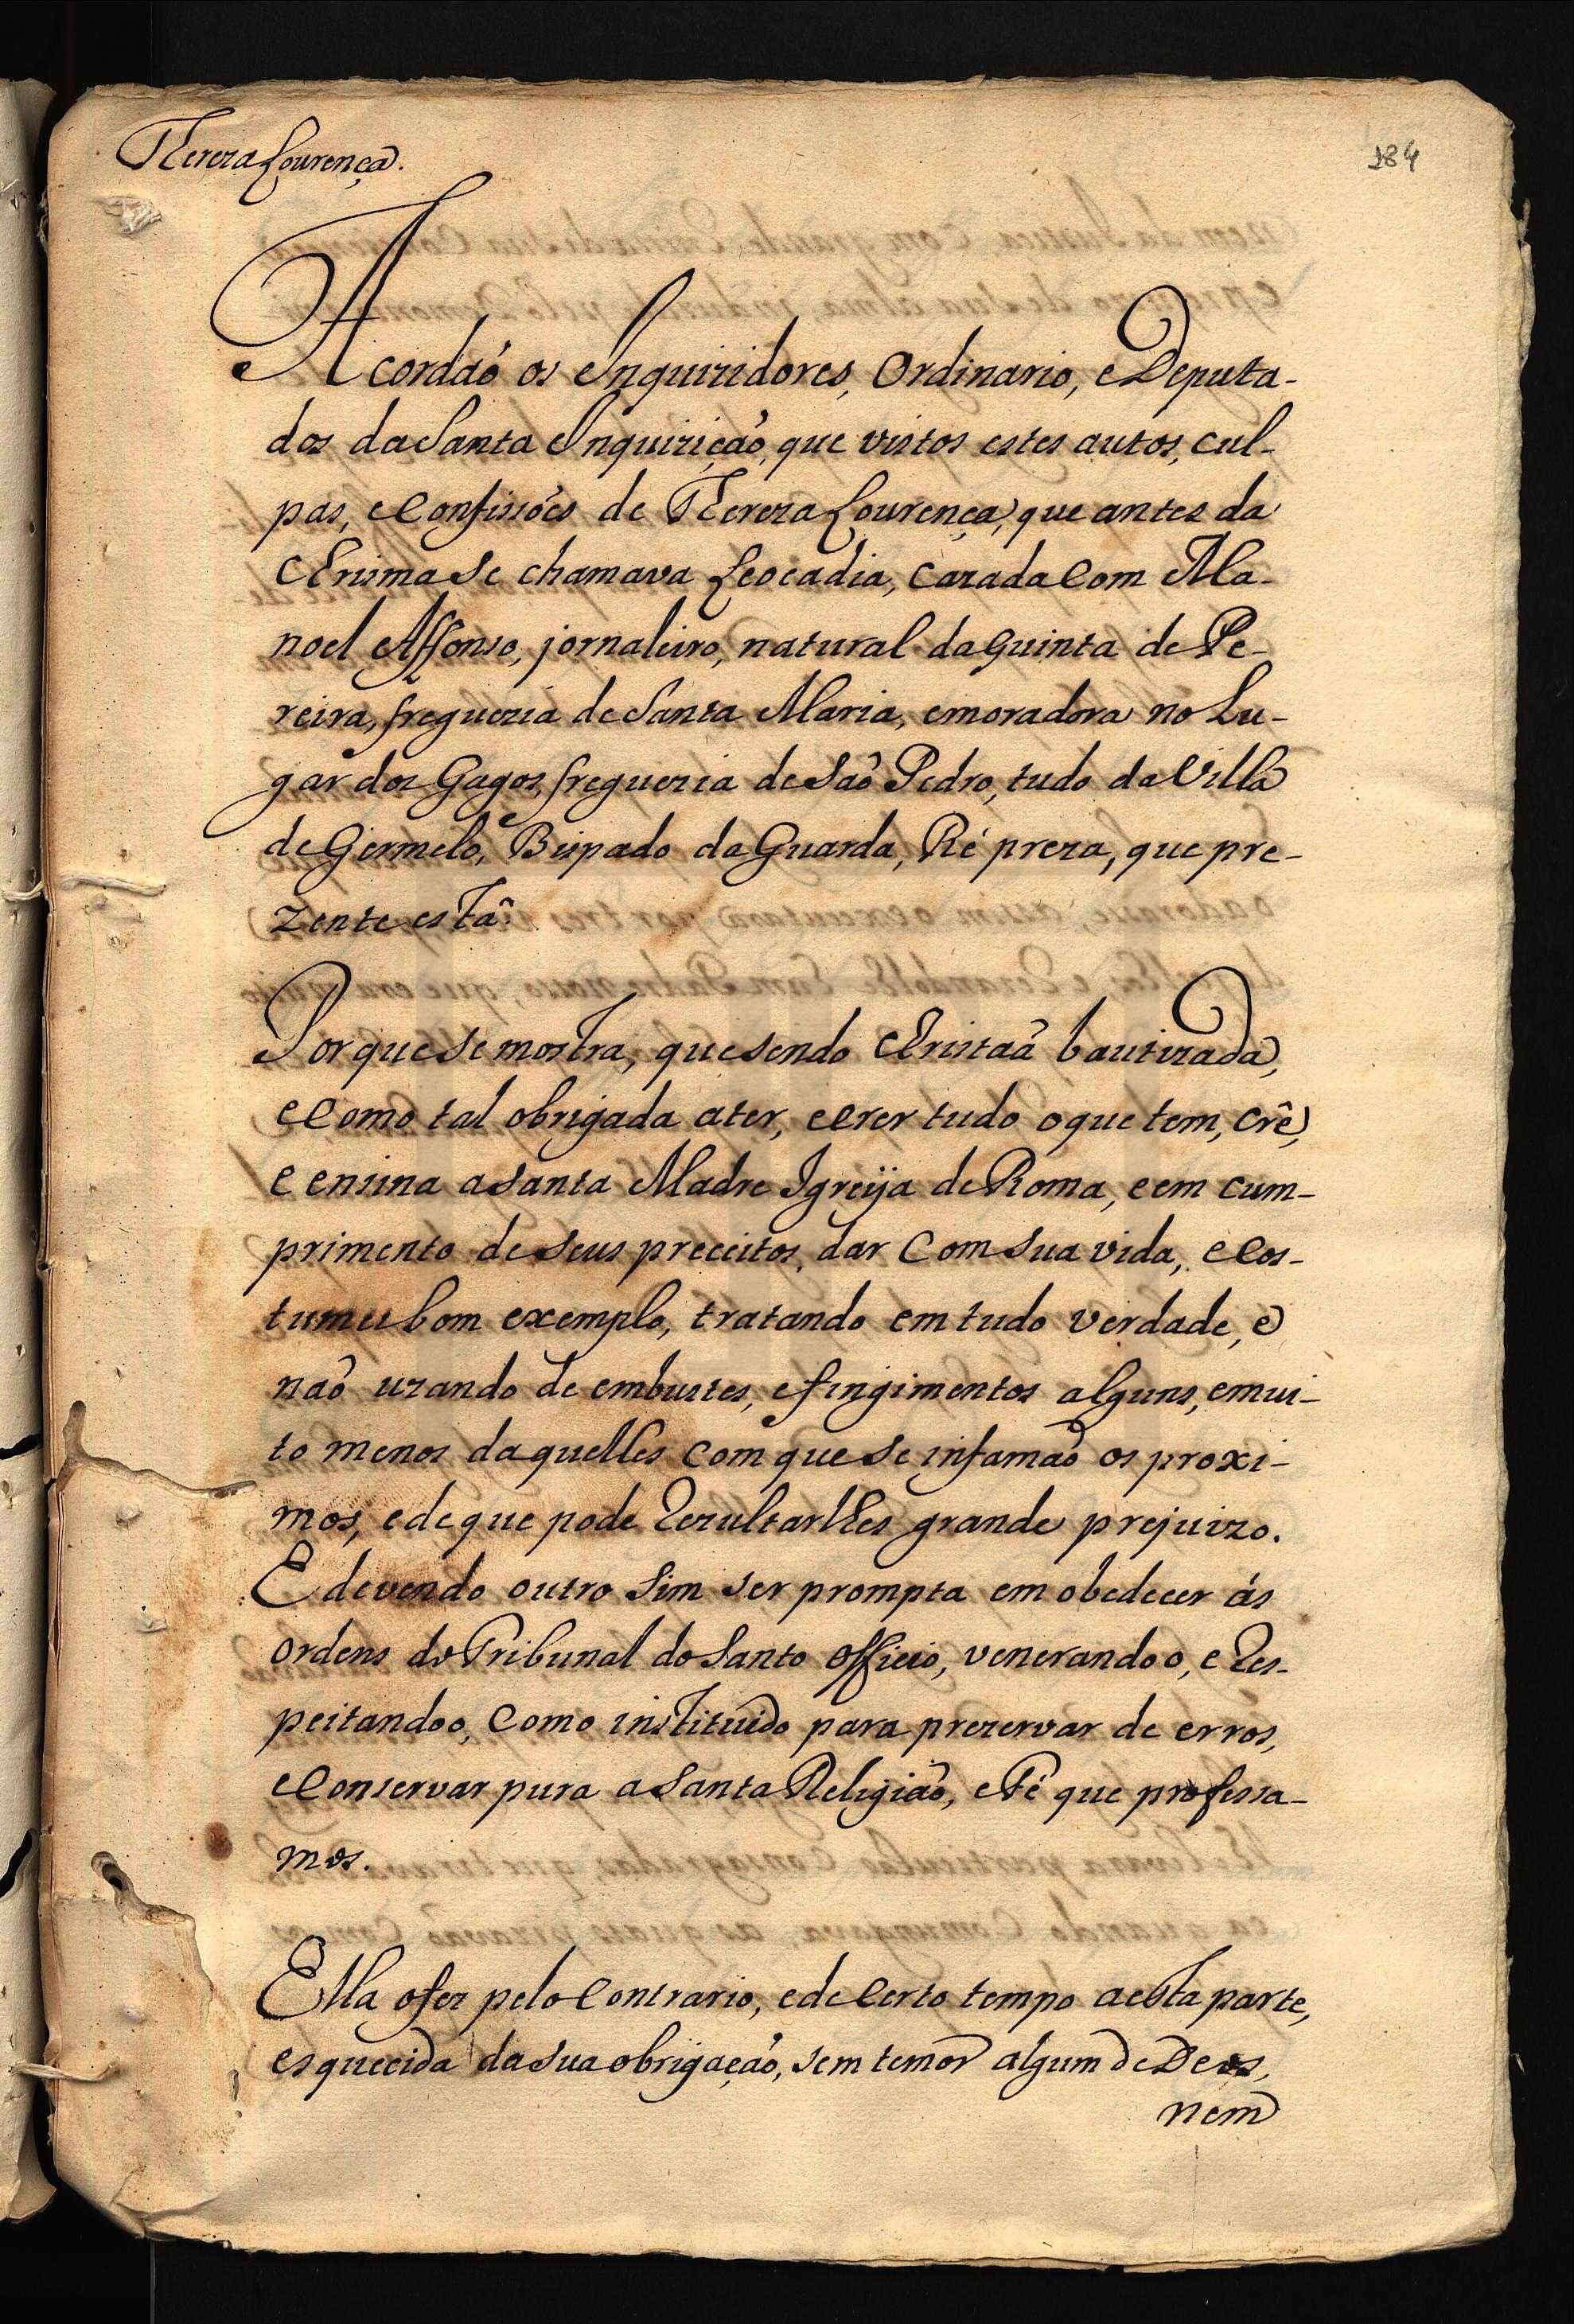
Thereza Lourença.
Acordaõ os Inquizidores, Ordinario, e Deputa
dos da Inquisiçaõ que vistos estes autos, cul
pas, e confissões de Thereza Lourença, que antes da
Chrisma se chamava Leocadia, cazada com Ma
noel Affonso, jornaleiro, natural da Quinta de Pe
reira, freguezia de Santa Maria, e moradora no Lu
gar dos Gagos, freguezia de Saõ Pedro, tudo da Villa
de Germelo, Bispado da Guarda, Ré preza, que pre
zente está.
Por que se mostra, que sendo christaã bautizada,
e como tal obrigada a ter, e crer tudo o que tem, crê,
e ensina a Santa Madre Igreija de Roma, e em cum
primento de seus preceitos, dar com sua vida, e cos
tumes bom exemplo, tratando em tudo verdade, e
naõ uzando de embustes, e fingimentos alguns, e mui
to menos daquelles com que se infamaõ os proxi
mos, e de que pode Resultar lhes grande prejuizo.
E devendo outroSim ser prompta em obedecer ás
ordens do Tribunal do Santo Officio, venerendoo e Res
peitandoo, como instituído para preservar de erros,
e Conservar pura a Santa Religiaõ, e Fé que professa
mos.
Ella o fez pelo contrario, e de certo tempo a esta parte,
esquecida da sua obrigaçaõ , sem temor algum de Deos,
nem
